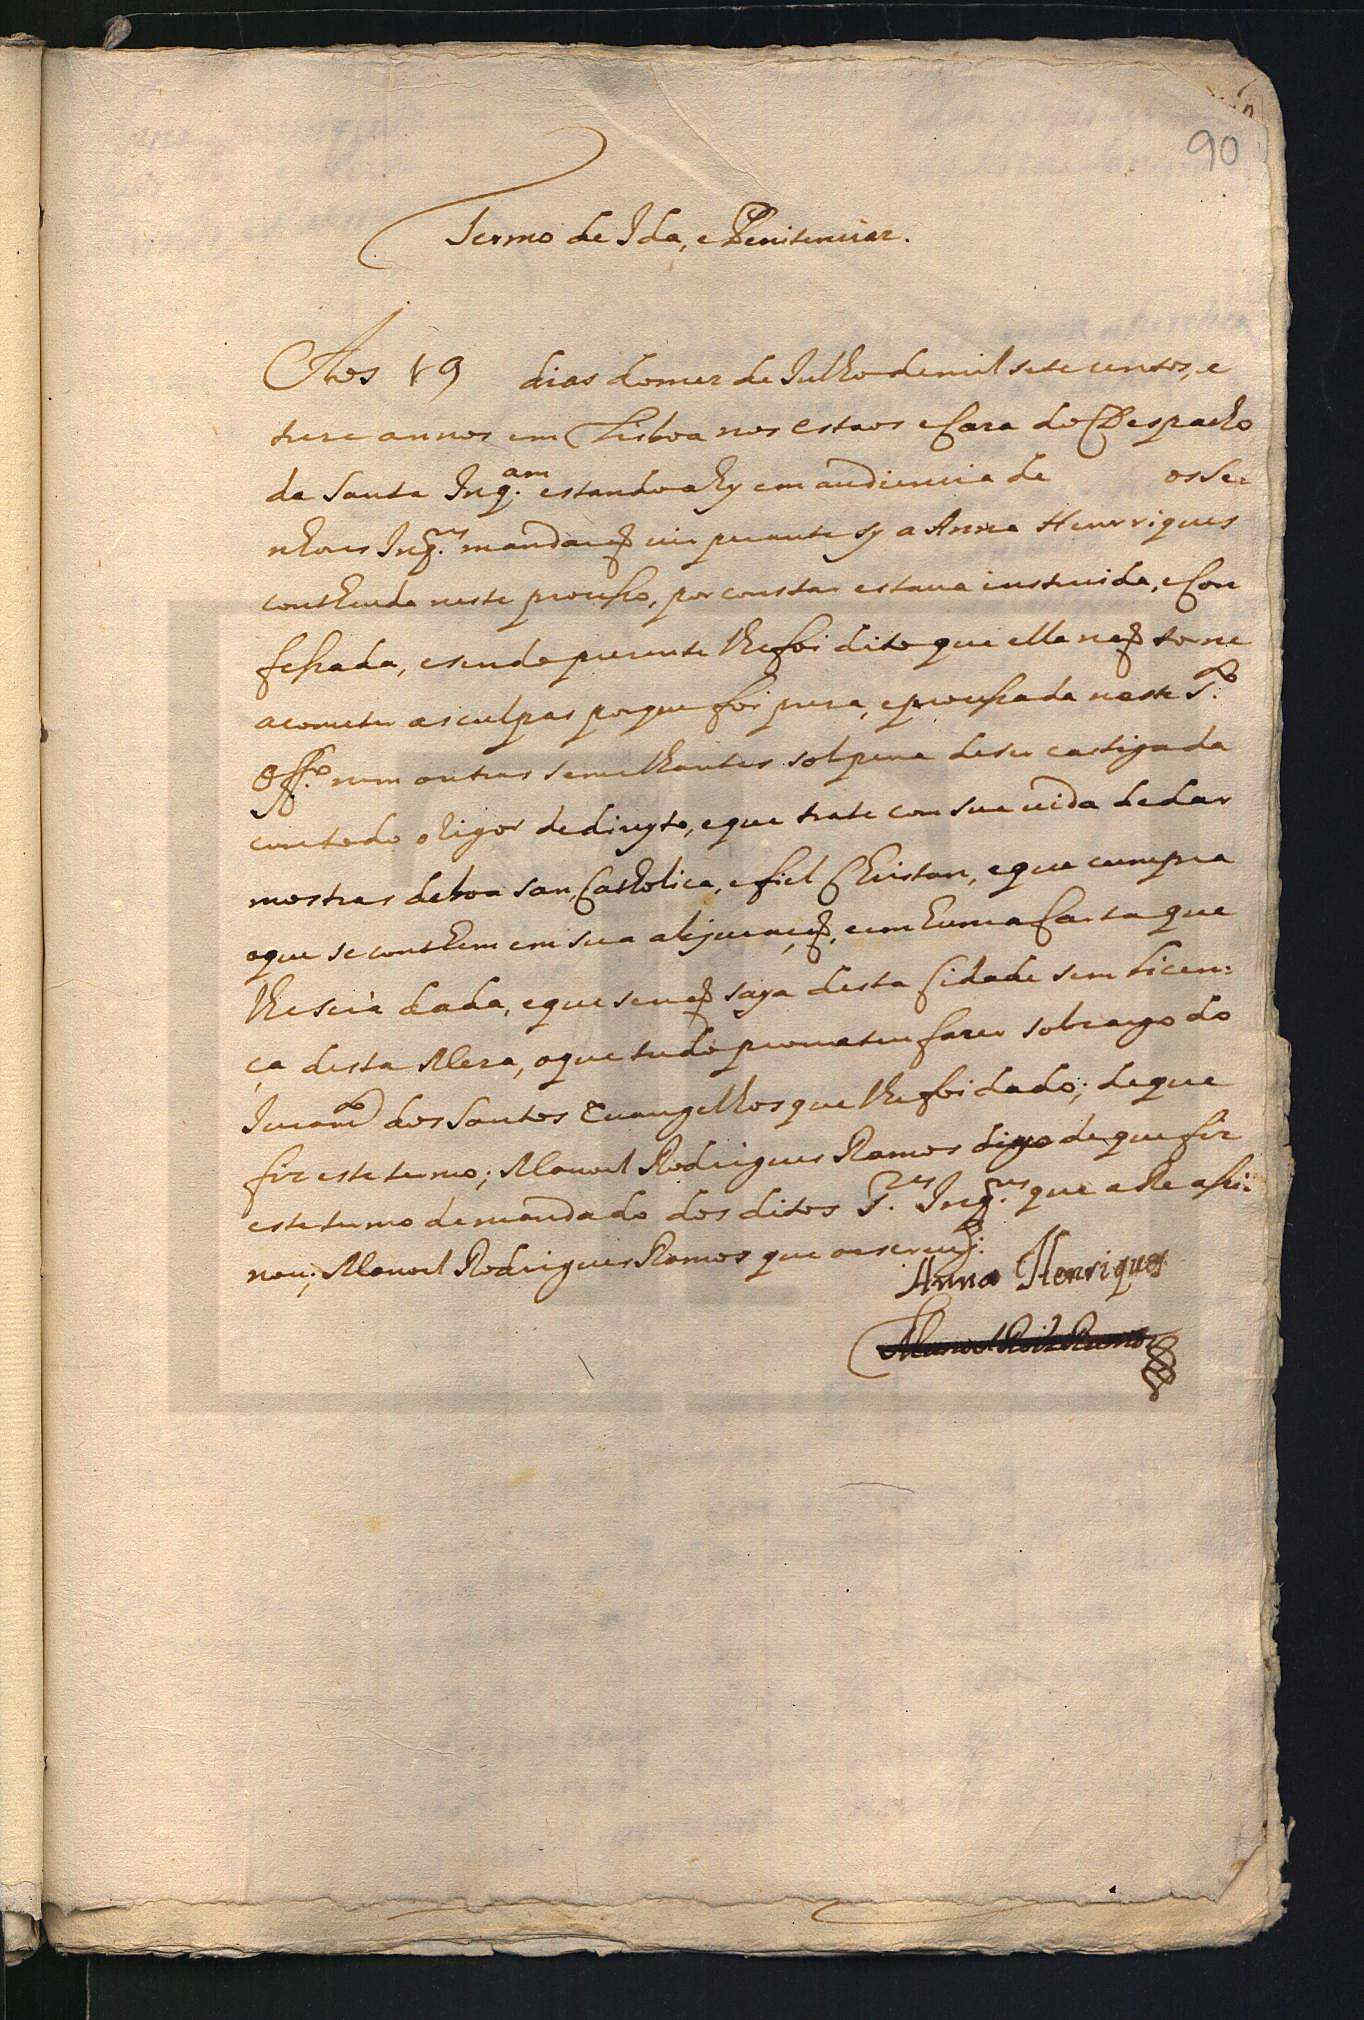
Termo de Ida, e Penitencias.
Aos 19 dias do mes de Iulho de mil setecentos, e
treze annos em Lisboa nos estaos e Caza do Despacho
da Santa Inq.am estando ahy em audiencia de os se
nhores Inq.res mandaraõ uir perante sy a Anna Henrriques
contheuda neste processo, por constar estaua instruida, e Con
fessada, e sendo prezente lhe foi dito que ella naõ torne
a cometer as culpas porque foi preza, e processada neste s.to
Off.o nem outras semelhantes sob pena de ser castigada
com todo o Rigor de direyto, e que trate com sua uida de dar
mostras de boa san, Catholica, e fiel Christan, e que cumpra
o que se conthem em sua abjuraçaõ, e em huma Carta que
lhe seia dada, e que se naõ saya desta Cidade sem licen
ça desta Meza, o que tudo prometeu fazer sob cargo do
Iuramto dos Santos Euangelhos que lhe foi dado; de que
fiz este termo; Manoel Rodrigues Ramos digo de que fiz
este termo demandado dos ditos s.res Inq.res que a Re assi
nou, Manoel Rodrigues Ramos que o escreuj:
Anna Henriques
Manoel Roiz̄ Ramos
